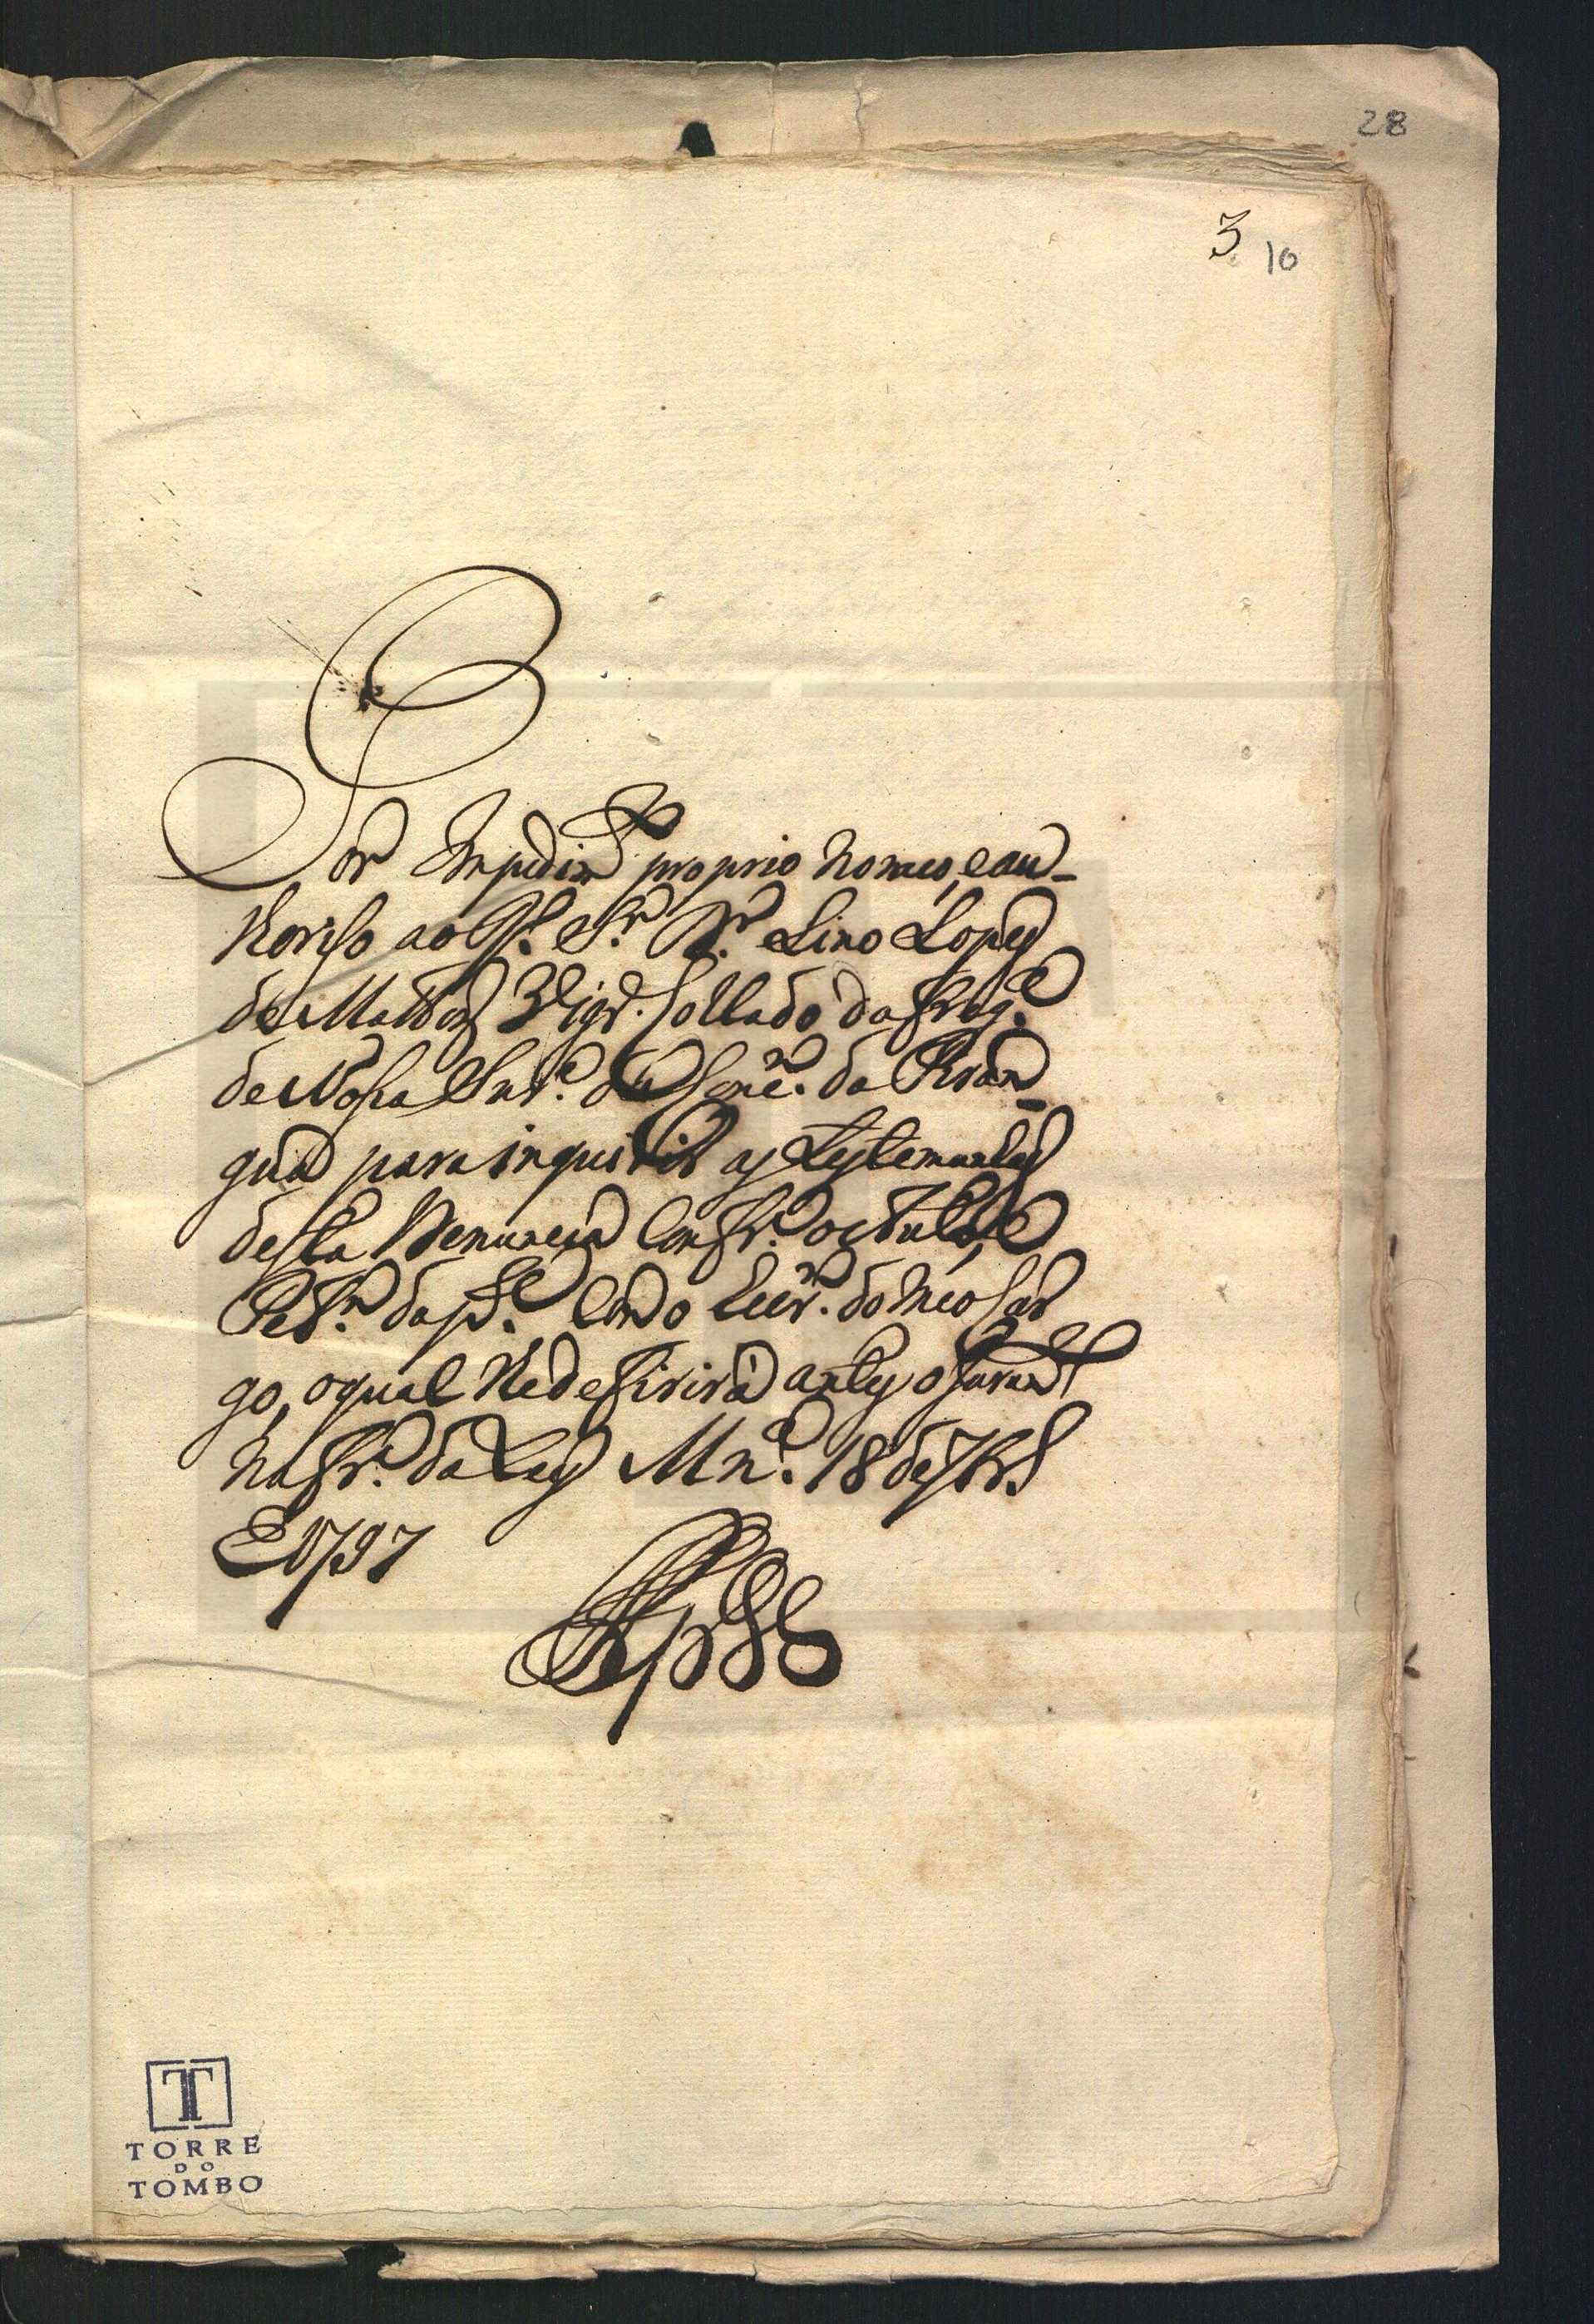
Por Impedim.to proprio nomeo, e au
thoriso ao P.e S.r D.r Lino Lopes
de Mollez Vigr.o Collado da freg.a
de Nossa Snr.a de Conc.n do Piran
gua para inquirir as testemunhas
desta Denuncia Confr.e o Auto, e
Pet.n da p.te com o Escr.m do meo Car
go, o qual lhe defirirá antes o Juram.to
na fr.a da Ley Mn.a 18 de 7 Jnl
E 1797
A v ss
